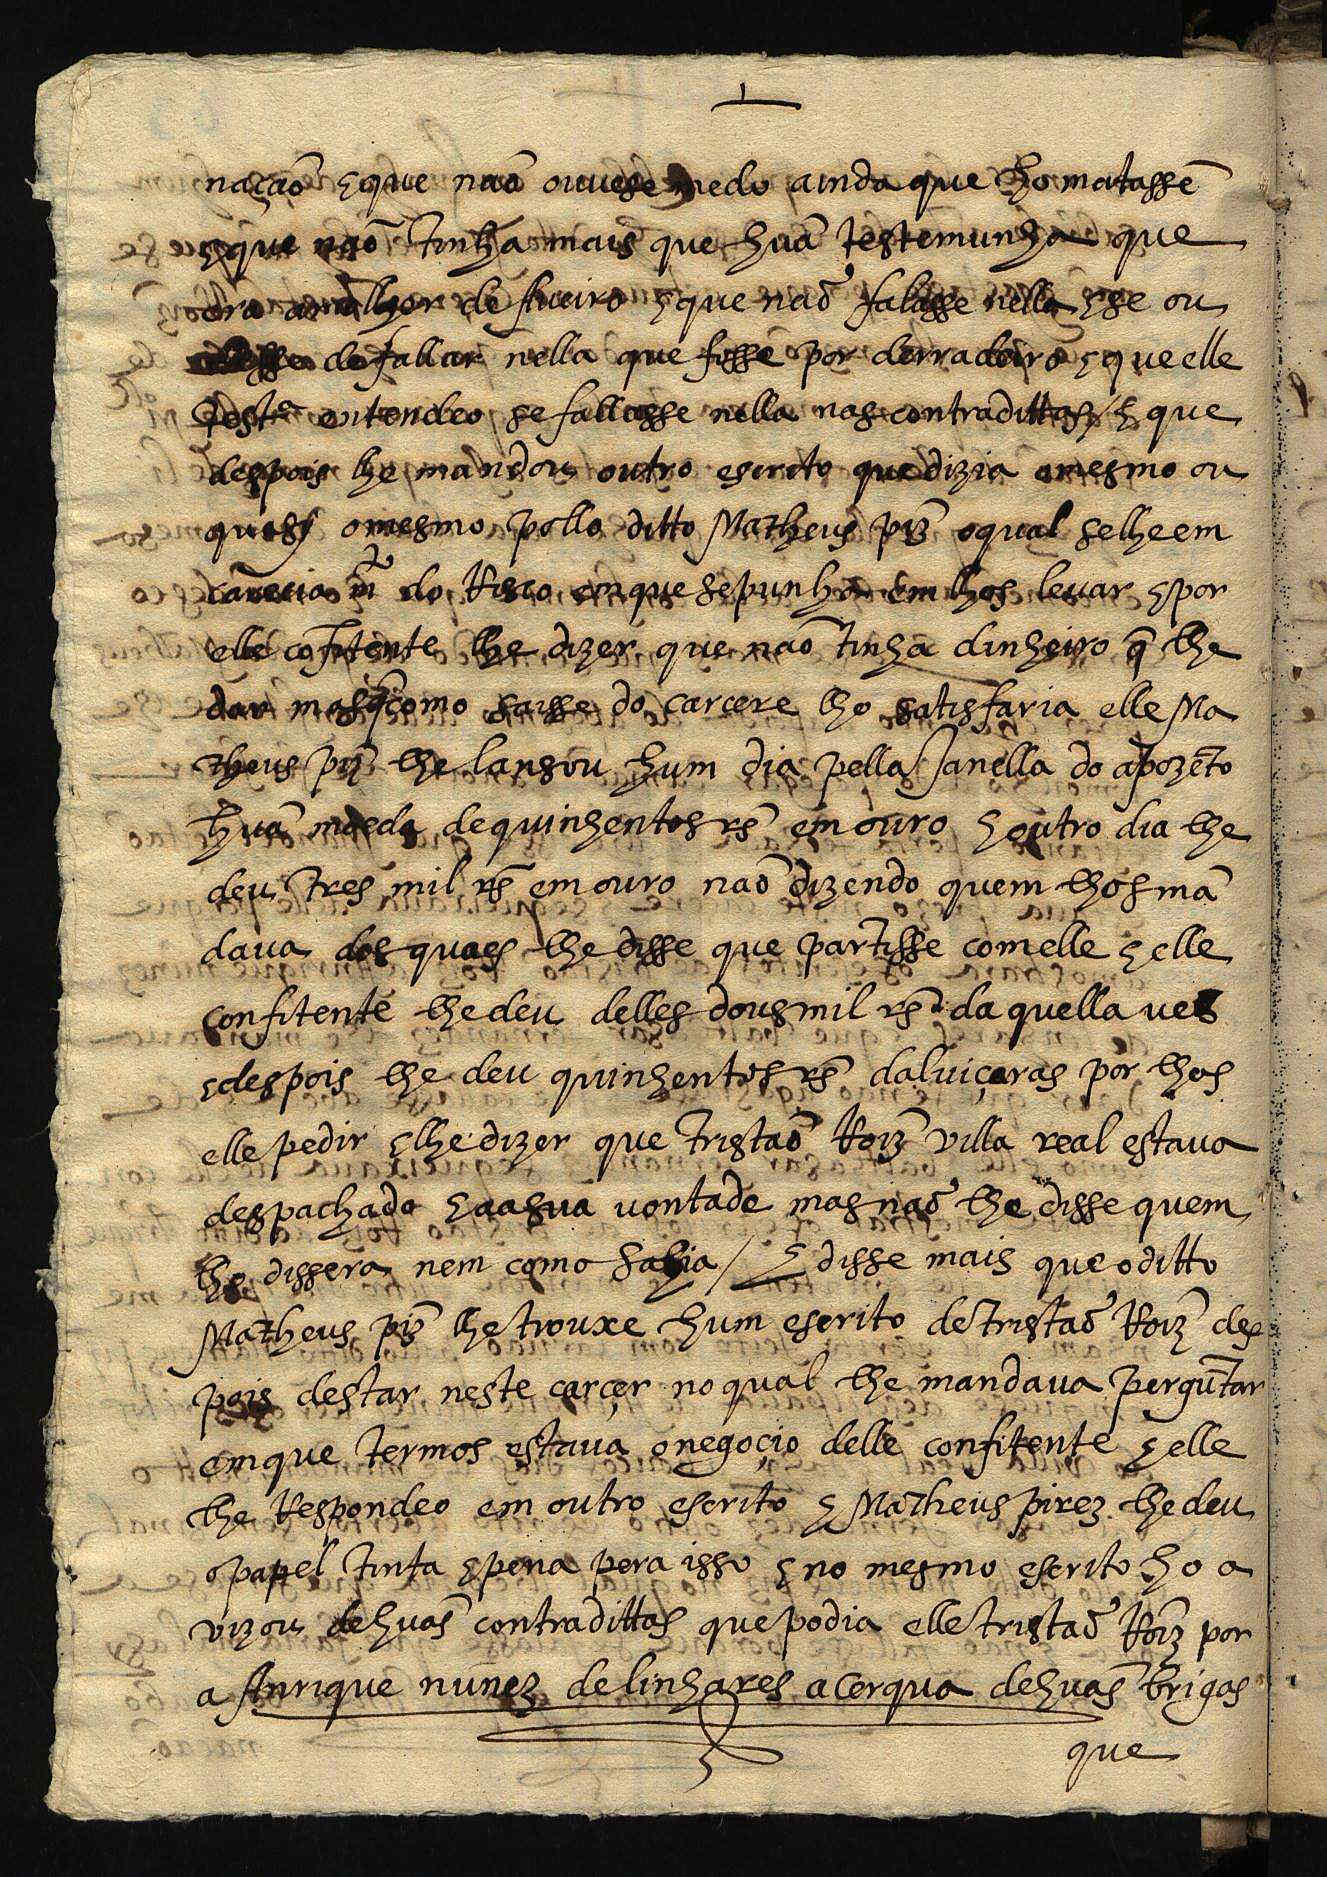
nacaõ E que naõ ouuese medo ainda que lho matassē
E que naõ tinha mais que huā testemunha que
era a molher de Aueiro E que naõ falasse nella E se ou
uesse de fallar nella que fosse por derradeiro E que elle
testa entendeo se fallasse nella nas contradittas / E que
despois lhe mandou outro escrito que dizia o mesmo ou
quasy o mesmo pollo ditto Matheus piz̄ o qual se lhe em
carecia mto do Risco em que se punha em lhos leuar E por
elle cōfitente lhe dizer que naõ tinha dinheiro q̄ lhe
dar mas q̄ como saisse do carcere lhe satisfaria elle Ma
theus piz̄ lhe lansou hum dia pella / Janella do apozēto
huā moeda de quinhentos rs̄ em ouro E outro dia lhe
deu tres mil rs̄ em ouro naõ dizendo quem lhos mā
daua dos quaes lhe disse que partisse com elle E elle
confitente lhe deu delles dous mil rs̄ daquella ues
E despois lhe deu quinhentos rs̄ daluiçaras por lhas
elle pedir E lhe dizer que tristaõ Roiz̄ villa real estaua
despachado E aa sua uontade mas naõ lhe disse quem
lho dissera nem como sabia / E disse mais que o ditto
Matheus piz̄ lhe trouxe hum escrito de tristaõ Roiz̄ des
pois destar neste carçer no qual lhe mandaua pergūtar
em que termos estaua o negoçio delle confitente E elle
lhe Respondeo em outro escrito E Matheus pirez lhe deu
o papel tinta E pena pera isso E no mesmo escrito ho a
vizou de huas̄ contradittas que podia elle tristaõ Roīz por
a Anrique nunez de linhares acerqua de huas̄ brigas /
que
